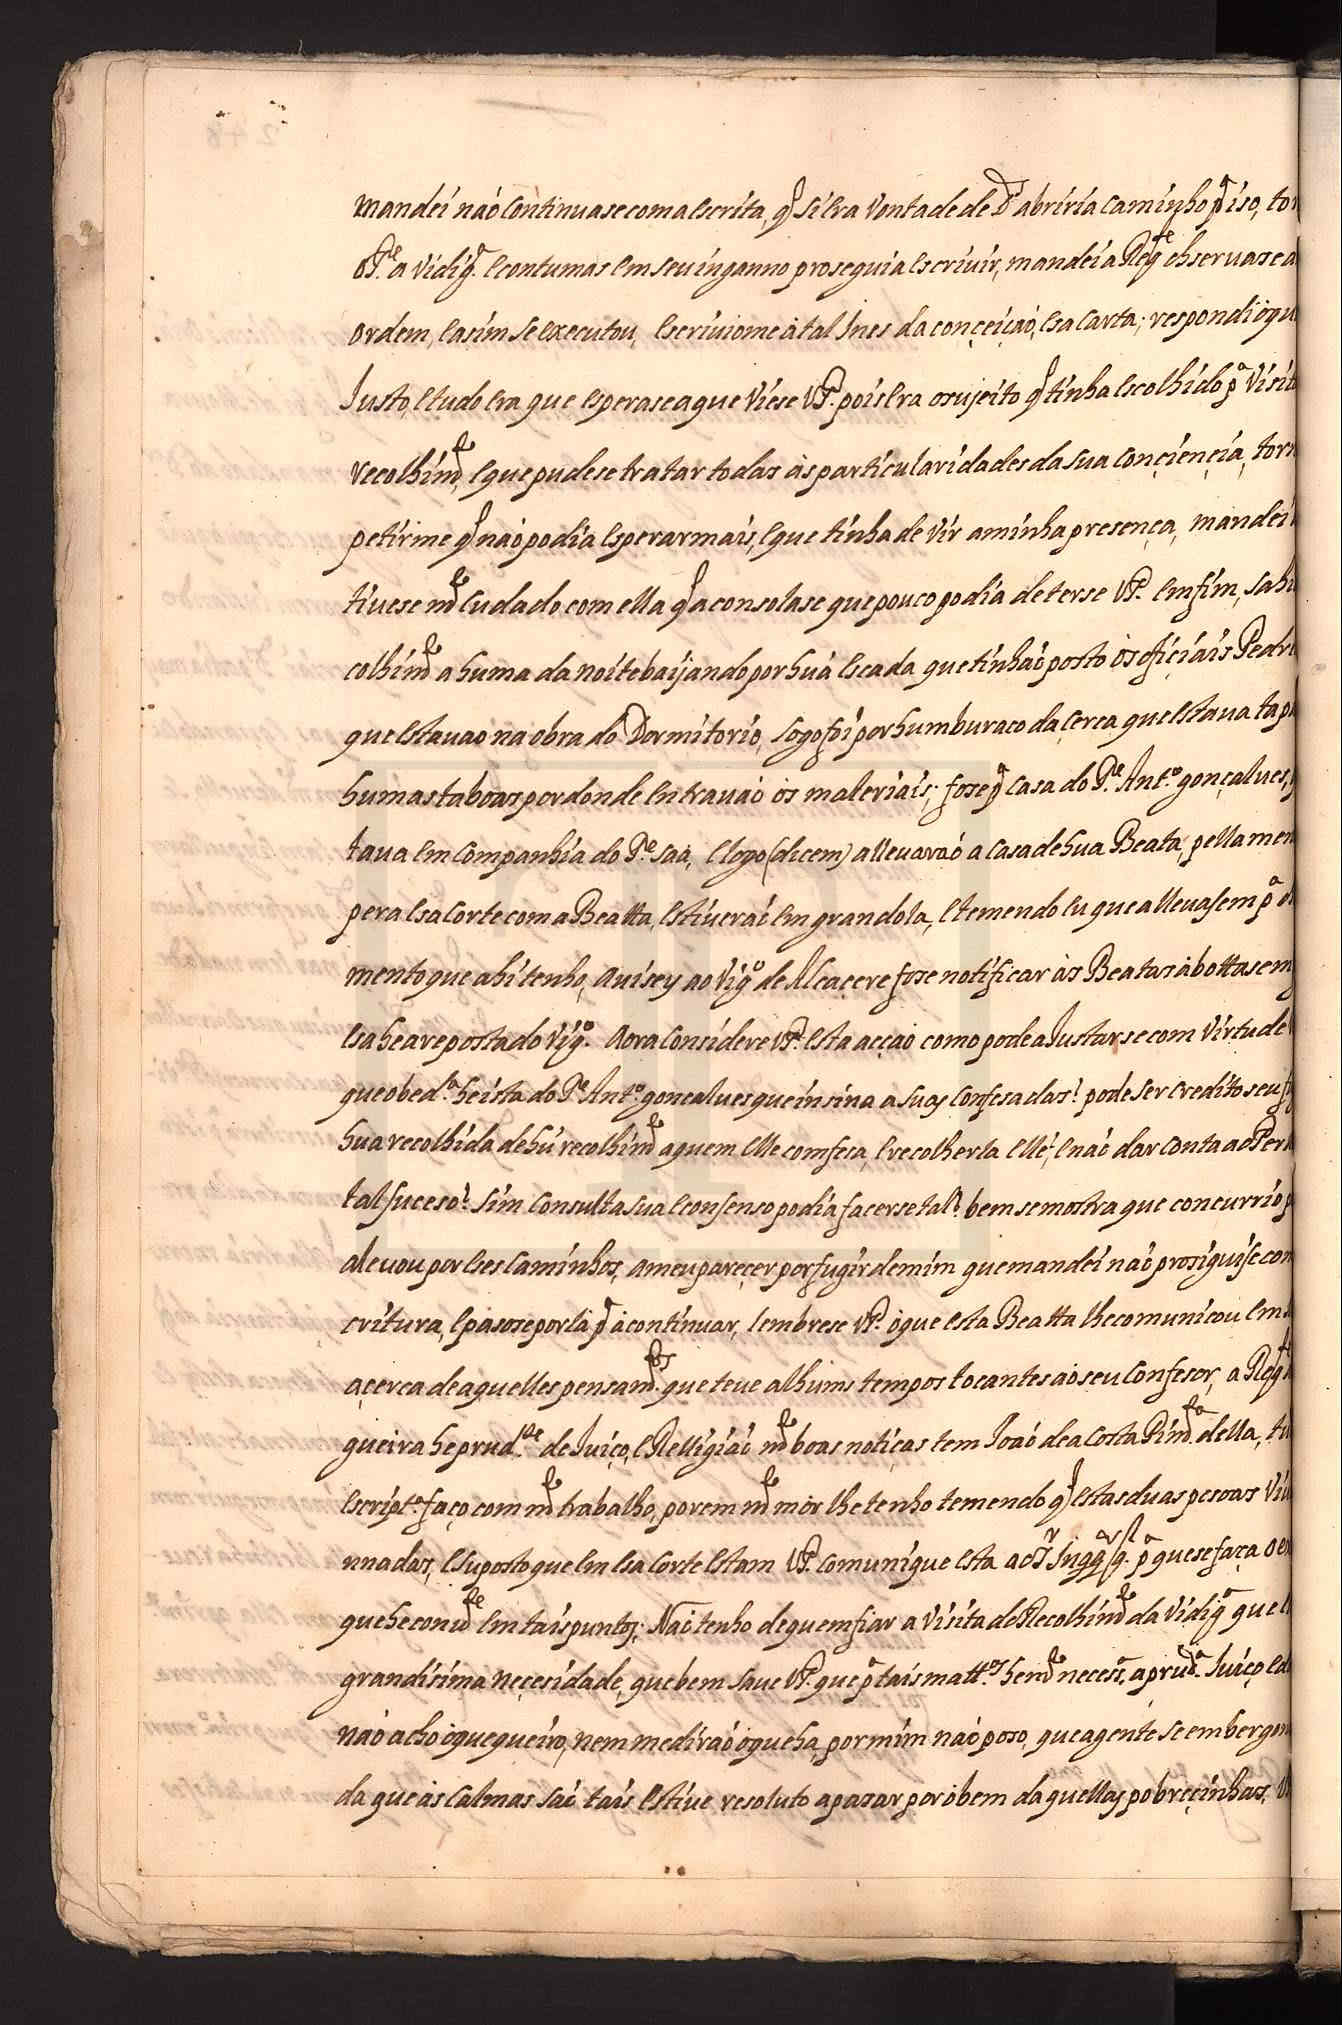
mandei naõ continuase com a escrita, q̄ se era vontade de Ds abriria caminho pa iso, tor
o P.e a vidig.a e contumas em seu inganno proseguia escriuir, mandei a Regte obseruase a
ordem, e asim se executou, escriuiome a tal Ines da conceiçaõ esa carta, respondi o que
Iusto, e tudo era que esperase a que viese vP. pois era o sujeito q̄ tinha escolhido p.a visit
recolhimto, e que pudese tratar todas as particularidades da sua conciencia, torn
petirme q̄ naõ podia esperar mais, e que tinha de vir a minha presença, mandei
tiuese mto cudado com ella q̄ a consolase que pouco podia deterse vP. emfim, sahi
colhimto a huma da noite baijando por huā escada que tinhaõ posto os oficiaes Pedro
que estauao na obra do Dormitorio, logo foi por hum buraco da cerca que estaua tap
humas taboas por donde entrauaõ os materiais; fose pa casa do P.e Anto gonçalues,
taua em companhia do P.e saa, E logo (decem) a lleuaraõ a casa de hua Beata, pella men
pera esa corte com a Beatta, estiueraõ em grandola, e temendo eu que a lleuasem pa
mento que ahi tenho, auisey ao Vigo de Alcacere fose notificar às Beatas a bottasem
esa he a reposta do Vig.o Aora considere vP. esta acçaõ como pode aIustarse com virtude
que obed.a he ista do P.e Ant.o gonçalues que insina a suas confesadas? pode ser credito seu
hua recolhida de hū recolhimto a quem elle comfesa, E recolherla elle? e naõ dar conta ao Per
tal suceso? Sim consulta sua e consenso podia fazerse tal? bem se mostra que concurrio
a leuou por eses caminhos, a meu parecer por fugir de mim que mandei naõ prosiguise con
critura, E pasose por la pa a continuar, lembrese vP. o que esta Beatta lhe comunicou em
acerca de aquelles pensam.tos que teue alhums tempos tocantes ao seu confesor, a Regte
gueira he prud.te de Iuiço, e Relligiaõ mto boas notiças tem Ioaõ de acosta Pim.ta della, tu
escript.a faço com mto trabalho, porem mto mor lhe tenho temendo q̄ estas duas pesoas viu
nnadas, e suposto que em esa corte estam VP. comunique esta ao sr Inqqor g.l p.a que se faça o e
que he conute em tais puntos, Naõ tenho de quem fiar a visita do Recolhim.to da vidiga que
grandisima necesidade, que bem saue vP. que pa tais matt.as he mto necess.a a prud.a Iuiço e a
naõ acho o que queiro, nem me diraõ o que ha, por mim naõ poso, que a gente se embergo
da que as calmas saõ tais estiue resoluto a pasar por o bem daquellas pobrecinhas
